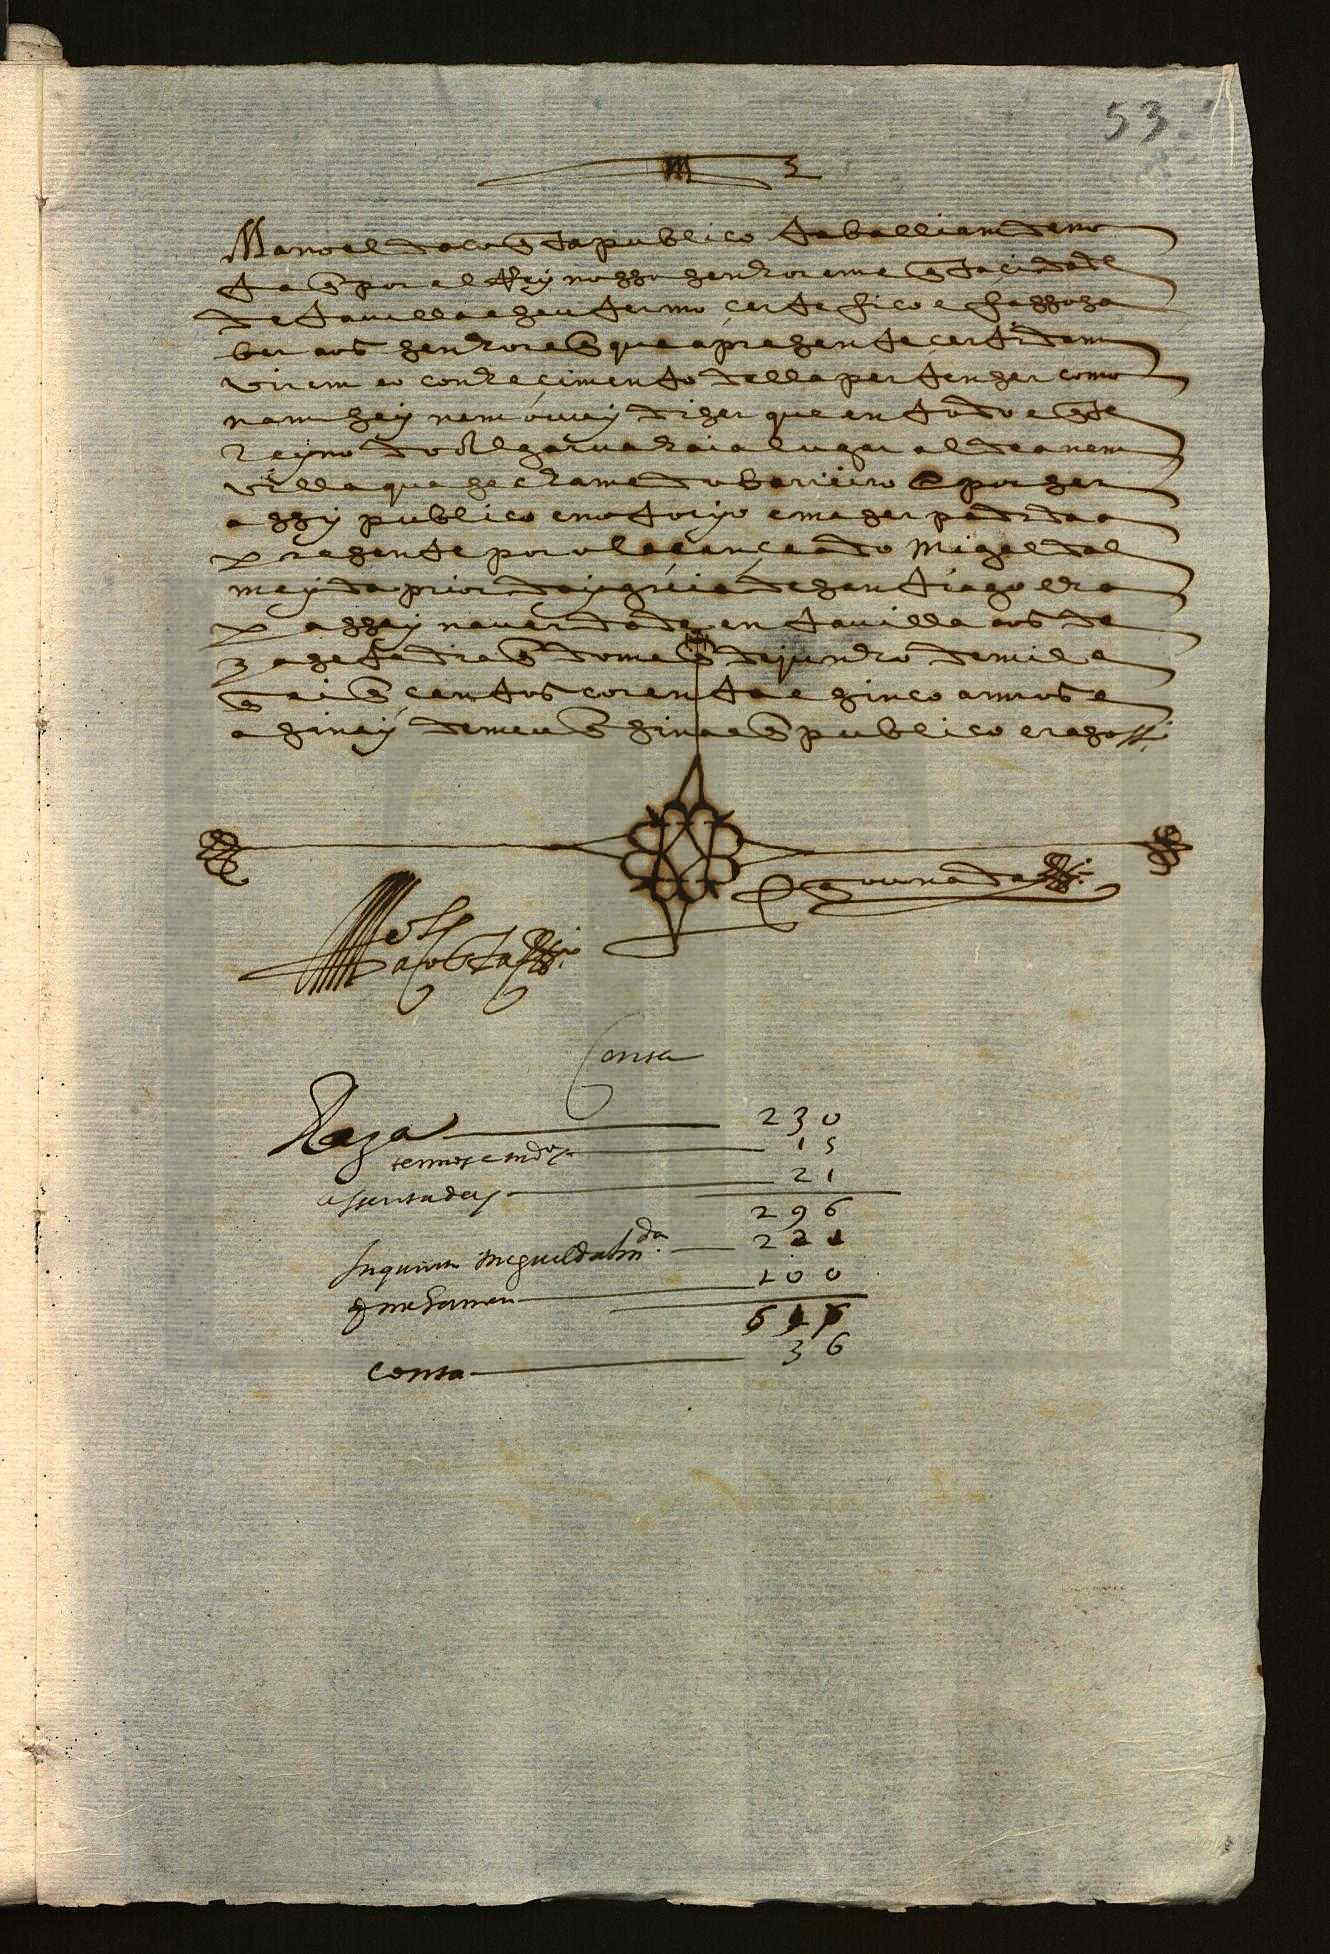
Manoel da costa publico taballiam de no
tas por el Rey nosso senhor em esta cidade
de tauilla e seu termo certifico e fasso sa
ber aos senhores que a presente certidam
virem e o conhecimento della pertenser como
nam sey nem ouuy diser que en todo este
Reyno do Algarue haia lugar aldea nem
villa que se chame do barreiro e por ser
assy publico e notoryo e me ser pedida a
presente por o lecenceado migel dal
meyda prior da ygreia de santiago lha
passey na uerdade en tauilla aos de
zasete dias do mes de junho de mil e
seiscentos corenta e sinco annos e
asiney de meus sinaes publico e raso //
pḡou nada
Mel a Costa
Conta
Raza
230
termos e mdos
15
assentadas
21
296
Inquirir miguel dalm.da
221
q̄m chamou
100
617
conta
36
